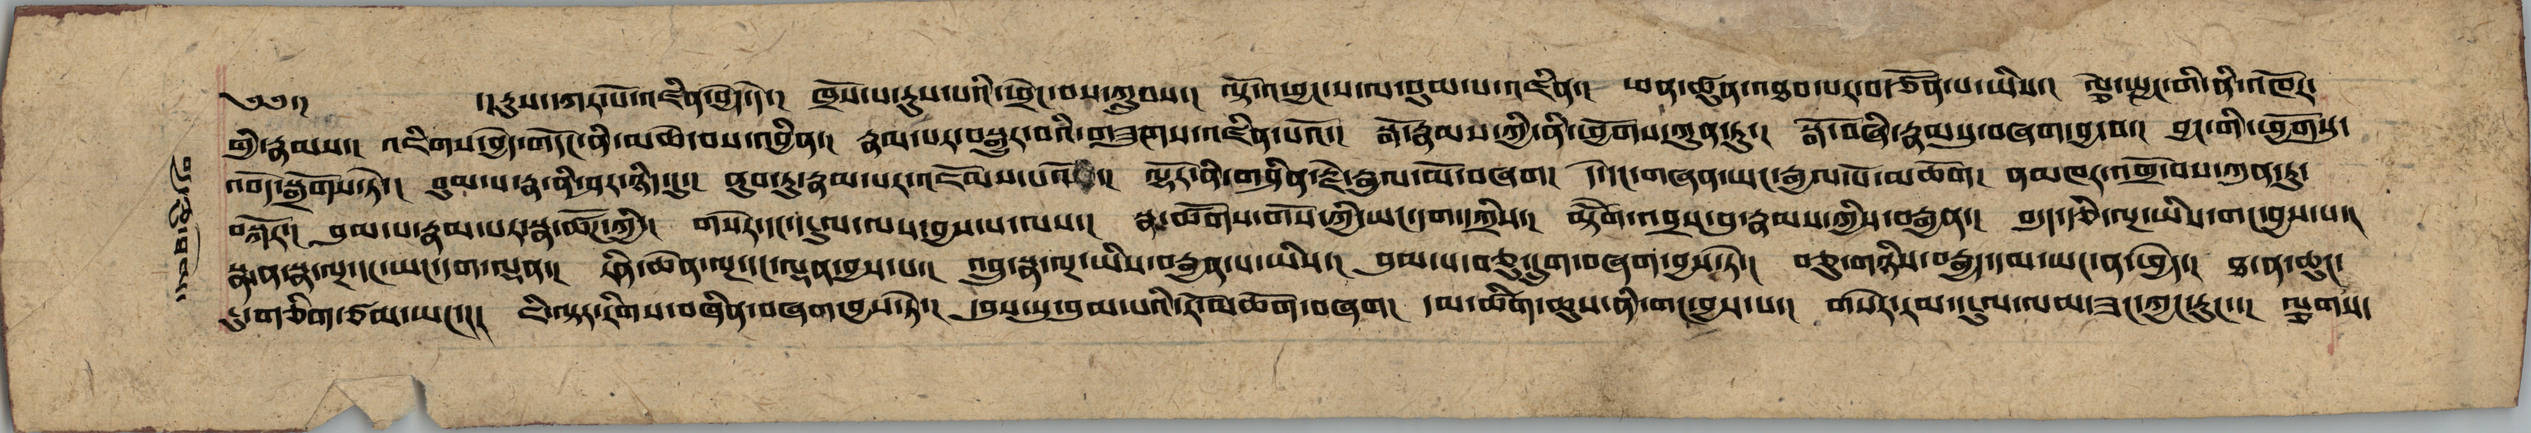༄༅་། ་།རུས་དཀར་པོ་འཛིན་བྱེད་དེ་། ཁྲོས་པ་རུས་པའི་ཕྲེང་བས་ཀླུབས་། ལྟོ་འཕྱང་ས་ལ་བུམ་པ་འཛིན་། ཕན་ཚུན་འཐབ་པར་བརྩོན་པ་ཡིས་། ལྕེ་སྤྱང་གི་ནི་འཁོར་
གྱི་རྣམས་། འཇིགས་བྱེད་གདོང་ནི་མཆེ་བས་འབྱིན་། རྣམ་པར་བསྒྱུར་བའི་གཟུགས་འཛིན་པའོ་། སྒོ་རྣམས་ཀྱི་ནི་ཕྱོགས་ཀུན་ཏུ་། སྒོ་བཞི་རྣམསུ་བཞག་བྱ་བ་། བྱང་གི་ཕྱོགསུ་
འབོད་སྒྲོགས་ཏེ་། བུམ་པ་རྣ་ནི་ཤར་ཉིད་དུ་། ནུབ་ཏུ་རྣམ་པར་འཇོམས་པའོ་། ལྷོར་ནི་གཤིན་རྗེ་རྒྱལ་མོ་བཞག། དེ་དང་གཞན་ཡང་རྒྱལ་པོ་མཆོག། ནམཁར་འགྲོ་བས་ཀུན་ཏུ་
བསྐོར་། བུམ་པ་རྣམ་པར་སྣ་ཚོཌ་ཀྱི་། གསེར་དང་དངུལ་ལས་བྱས་པ་ལས་། སྣ་ཚོགས་གོས་ཀྱི་ཡང་དག་དཀྲིས་། མྟེོག་འབྲས་བུ་རྣམས་ཀྱིས་བརྒྱན་། བདུད་རྩི་ལྔ་ཡིས་གང་བྱས་པ་།
སྣ་ན་སྣ་ལྔ་དང་ཡང་དག་ལྡན་། རིན་ཆེན་ལྔ་དང་ལྡན་བྱས་པ་། འབྲུ་སྣ་ལྔ་ཡིས་བརྒྱན་པ་ཡིས་། བུམ་པ་བཅུ་དྲུག་བཞག་བྱས་ཏེ་། བཅུ་གཉིས་བརྒྱད་དམ་ཡང་ན་ཕྱེད་། ཐ་ན་ཆུང་
རུ་གཅིག་ཙམ་ཡང་་། ཇི་ལྟར་རིགས་བཞིན་བཞག་བྱས་ཏེ་། དབུས་སུ་བུམ་པའི་རོ་མཆོག་བཞག། དམ་ཚིག་ཆུས་ནི་གང་བྱས་པ་། གསེར་རམ་དངུལ་ལམ་ཟང་ཀྱང་རུང་་། ལྕགས་